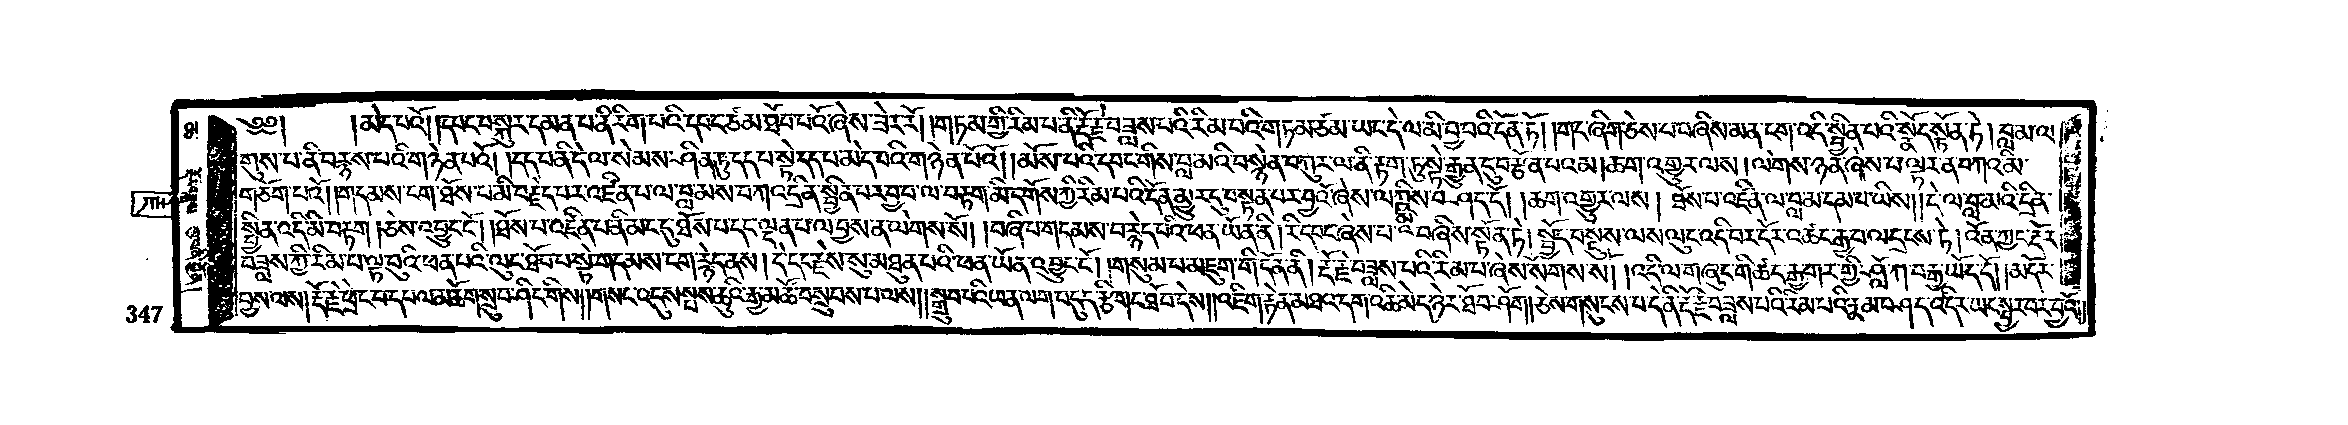༄༅། །མེད་པའོ། །དབང་བསྐུར་དམན་པ་ནི་རིག་པའི་དབང་ཙམ་ཐོབ་པའོ་ཞེས་ཟེར་རོ། །གཏམ་གྱི་རིམ་པ་ནི་རྡོ་རྗེ་བཟླས་པའི་རིམ་པའི་གཏམ་ཙམ་ཡང་དེ་ལ་མི་བྱ་བའི་དོན་ཏོ། །གང་ཞིག་ཅེས་པ་བཞིས་མན་ངག་འདི་སྦྱིན་པའི་སྣོད་སྟོན་ཏེ། བླ་མ་ལ་
གུས་པ་ནི་བརྙས་པའི་གཉེན་པའོ། །དད་པ་ནི་དེ་ལ་སེམས་ཤིན་ཏུ་དད་པ་སྟེ་དད་པ་མེད་པའི་གཉེན་པོའོ། །མོས་པའི་དབང་གིས་བླ་མའི་བསྙེན་བཀུར་ལ་ནི་རྟག་ཏུ་སྟེ་རྒྱུན་དུ་བརྩོན་པའམ། ཆག་འགྱུར་ལས། ལེགས་ཉན་ཞེས་པ་ལྟར་ན་བཀའ་མི་
གཅོག་པའོ། །གདམས་ངག་ཐོས་པ་མི་བརྗེད་པར་འཛིན་པ་ལ་བླ་མས་བཀའ་དྲིན་སྦྱིན་པར་བྱ་བ་ལ་བརྟག་མི་དགོས་ཀྱི་རིམ་པའི་དོན་མྱུར་དུ་བསྟན་པར་བྱའོ་ཞེས་ལཀྵྨཱིས་བཤད་དོ། །ཆག་འགྱུར་ལས། ཐོས་པ་འཛིན་ལ་བླ་མ་དམ་པ་ཡིས། །དེ་ལ་བླ་མའི་དྲིན་
སྦྱིན་འདི་མི་བརྟག །ཅེས་འབྱུང་ངོ། །ཐོས་པ་འཛིན་པ་ནི་མང་དུ་ཐོས་པ་དང་ལྡན་པ་ལ་བྱས་ན་ལེགས་སོ། །བཞི་པ་གདམས་བ་རྙེད་པའི་ཕན་ཡོན་ནི། རི་དབང་ཞེས་པ་བཞིས་སྟོན་ཏེ། སྤྱོད་བསྡུས་ལས་ལུང་འདི་བར་དོར་འཚང་རྒྱ་བ་ལ་དྲངས་ཏེ། འོན་ཀྱང་རྡོར་
བཟླས་ཀྱི་རིམ་པ་ལྟ་བུའི་ཕན་པའི་ལུང་ཐོབ་པ་སྟེ་གདམས་ངག་རྙེད་ནས། དེ་དང་རྗེས་སུ་མཐུན་པའི་ཕན་ཡོན་འབྱུང་ངོ། །གསུམ་པ་མཇུག་གི་དོན་ནི། རྡོ་རྗེ་བཟླས་པའི་རིམ་པ་ཞེས་སོགས་སོ། །འདི་ལ་གཞུང་གི་ཚད་རྒྱ་གར་གྱི་ཤློ་ཀ་བརྒྱ་ཡོད་དོ། །མདོར་
བྱས་ལས། རྡོ་རྗེ་ཕྲེང་བ་དཔལ་མཆོག་སྲུབ་ཤིང་གིས། །གསང་འདུས་སྤས་ཆུའི་རྒྱ་མཚོ་བསྲུབས་པ་ལས། །སྒྲུབ་པའི་ཡན་ལག་བདུད་རྩི་གང་ཐོབ་དེས། །འཇིག་རྟེན་མཐའ་དག་འཆི་མེད་ཉེར་ཐོབ་ཤོག །ཅེས་གསུངས་པ་དེ་ནི་རྡོ་རྗེ་བཟླས་པའི་རིམ་པའི་རྣམ་བཤད་འདིར་ཡང་སྦྱར་བར་བྱའོ། །